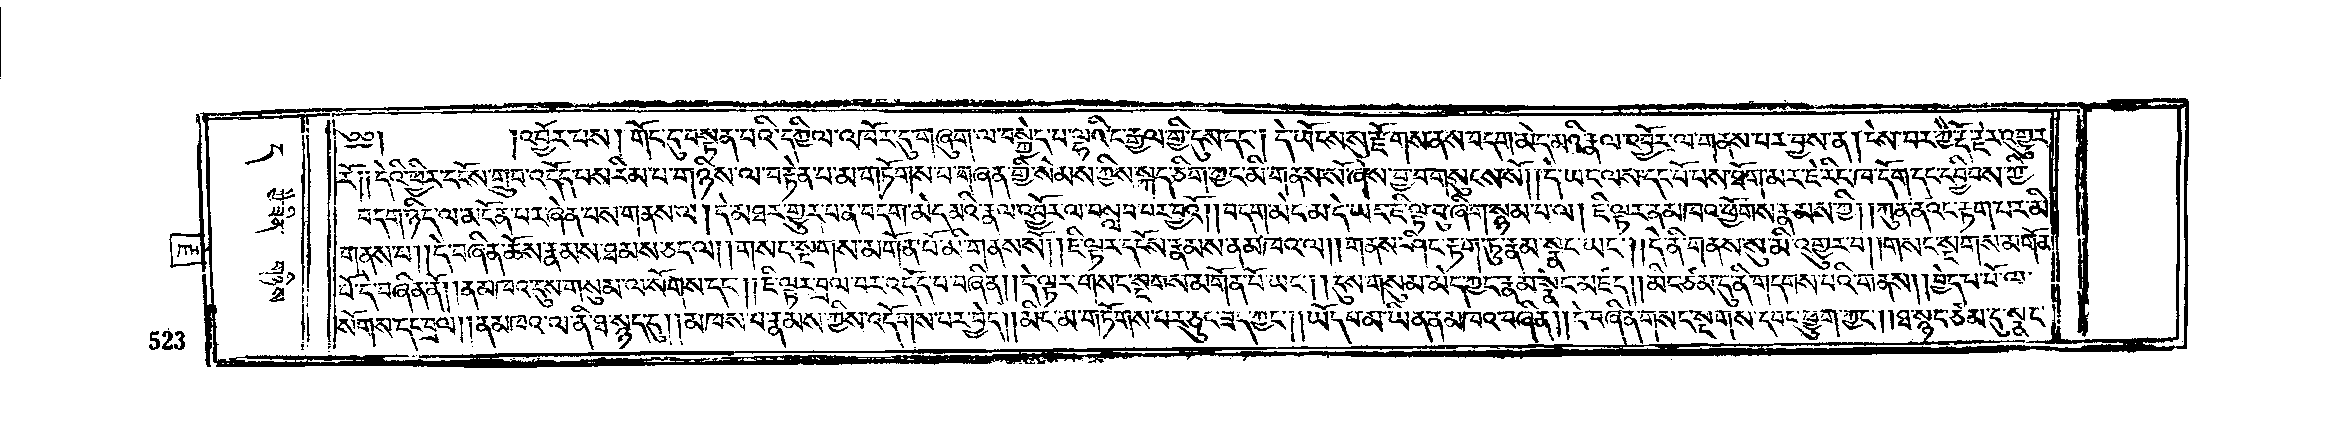༄༅། །འབྱོར་པས། གོང་དུ་བསྟན་པའི་དཀྱིལ་འཁོར་དུ་གཞུག་ལ་བསྐྱེད་པ་ལྷའི་ང་རྒྱལ་གྱི་དུས་དང་། དེ་ཡོངས་སུ་རྫོགས་ནས་བདག་མེད་མའི་རྣལ་འབྱོར་ལ་གནས་པར་བྱས་ན། ངེས་པར་ཀྱཻ་རྡོ་རྗེར་འགྱུར་
རོ། །དེའི་ཕྱིར་དངོས་གྲུབ་འདོད་པས་རིམ་པ་གཉིས་ལ་བརྟེན་པ་མ་གཏོགས་པ་གཞན་གྱི་སེམས་ཀྱིས་སྐད་ཅིག་ཀྱང་མི་གནས་སོ་ཞེས་བྱ་བ་གསུངས་སོ། །དེ་ཡང་ལས་དང་པོ་པས་ཐོག་མར་ཇེ་རིང་ཁ་དོག་དང་དབྱིབས་ཀྱི་
བདག་ཉིད་ལ་མངོན་པར་ཞེན་པས་གནས་ལ། དེ་མཐར་གྱུར་པ་ན་བདག་མེད་མའི་རྣལ་འབྱོར་ལ་བསླབ་པར་བྱའོ། །བདག་མེད་མ་དེ་ཡང་ཇི་ལྟ་བུ་ཞིག་སྙམ་པ་ལ། ཇི་ལྟར་ནམ་མཁའ་ཕྱོགས་རྣམས་ཀྱི། །ཀུན་ནའང་རྟག་པར་མི་
གནས་པ། །དེ་བཞིན་ཆོས་རྣམས་ཐམས་ཅད་ལ། །གསང་སྔགས་མགོན་པོ་མི་གནས་སོ། །ཇི་ལྟར་དངོས་རྣམས་ནམ་མཁའ་ལ། །གནས་ཤིང་རྟག་ཏུ་རྣམ་སྣང་ཡང་། །དེ་ནི་གནས་སུ་མི་འགྱུར་བ། །གསང་སྔགས་མགོན་
པོ་དེ་བཞིན་ནོ། །ནམ་མཁའ་དུས་གསུམ་ལ་སོགས་དང་། །ཇི་ལྟར་བྲལ་བར་འདོད་པ་བཞིན། །དེ་ལྟར་གསང་སྔགས་མགོན་པོ་ཡང་། །དུས་གསུམ་མེད་ཀྱང་རྣམ་སྣང་མཛད། །མིང་ཙམ་དུ་ནི་གདགས་པའི་གནས། །བྱེད་པ་པོ་ལ་
སོགས་དང་བྲལ། །ནམ་མཁའ་ལ་ནི་ཐ་སྙད་དུ། །མཁས་པ་རྣམས་ཀྱིས་འདོགས་པར་བྱེད། །མིང་མ་གཏོགས་པར་ཅུང་ཟད་ཀྱང་། །ཡོད་པ་མ་ཡིན་ནམ་མཁའ་བཞིན། །དེ་བཞིན་གསང་སྔགས་དབང་ཕྱུག་ཀྱང་། །ཐ་སྙད་ཙམ་དུ་སྣང་